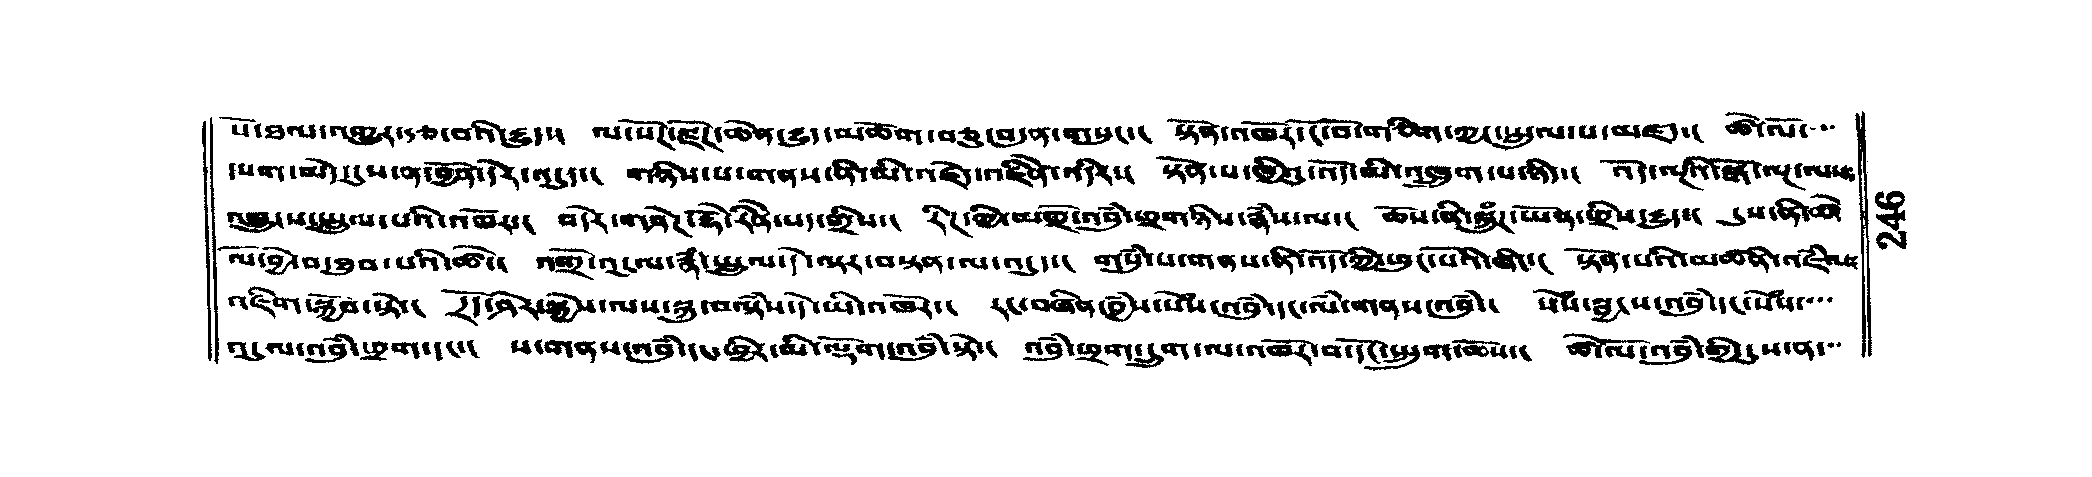པོ་ཐལ་འགྱུར་རྩ་བའི་རྒྱུད། །ལ་སོགས་རྫོགས་ཆེན་རྒྱུད་མཆོག་བཅུ་བདུན་གསུང་། །སྟོན་འཁོར་ངོ་བོ་གཅིག་ཀྱང་སྤྲུལ་པ་མཛད། ཚེ་ལོ་
དཔག་མེད་དུས་ན་བྱོན་དེར་འདུད། །གཉིས་པ་གནས་ནི་མི་འཇེད་འཇིག་རྟེན་འདིར། །སྟོན་པ་ཁྱེའུ་འོད་མི་འཁྲུགས་པ་ཉིད། །འོད་ལྔའི་སྒོ་ལྔ་ལས་
འཁྲུངས་སྤྲུལ་པའི་འཁོར། །བདེ་གཤེགས་རྡོ་རྗེ་རིན་ཆེན་པད་ཕྲིན་ལས། །རིགས་ཀྱི་མཁའ་འགྲོ་འབུམ་ཕྲག་གཉིས་རྣམས་ལ། །ཆོས་ནི་སྐུ་གསུང་ཐུགས་ཡོན་ཕྲིན་ལས་རྒྱུད། །དུས་ནི་ཚེ་
ལོ་བྱེ་བ་ཐུབ་པའི་ཚེ། །འགྲོ་འདུལ་རྣམ་སྤྲུལ་དེ་ལྟར་བསྟན་ལ་འདུད། །གསུམ་པ་གནས་ནི་འོད་ཀྱི་ཕུང་པོའི་ཞིང་། །སྟོན་པའི་མཚན་ནི་འཇམ་དཔལ་
འཇིགས་སྐྱོབ་སྟེ། །དྲོད་ཤེར་སྐྱེས་ལས་སྐུ་བལྟམས་དེ་ཡི་འཁོར། །རང་བཞིན་བྱམས་སེམས་འབུམ་དང་ལམ་གནས་འབུམ། །སེམས་སྦྱང་འབུམ་དང་སེམས་
འདུལ་འབུམ་ཕྲག་དང་། །ས་གནས་འབུམ་དང་ཕྱིར་མི་ལྡོག་འབུམ་སྟེ། །འབུམ་ཕྲག་དྲུག་ལ་འཁོར་བ་དོང་སྤྲུགས་ཆོས། །ཚེ་ལོ་འབུམ་གྱི་དུས་ན་